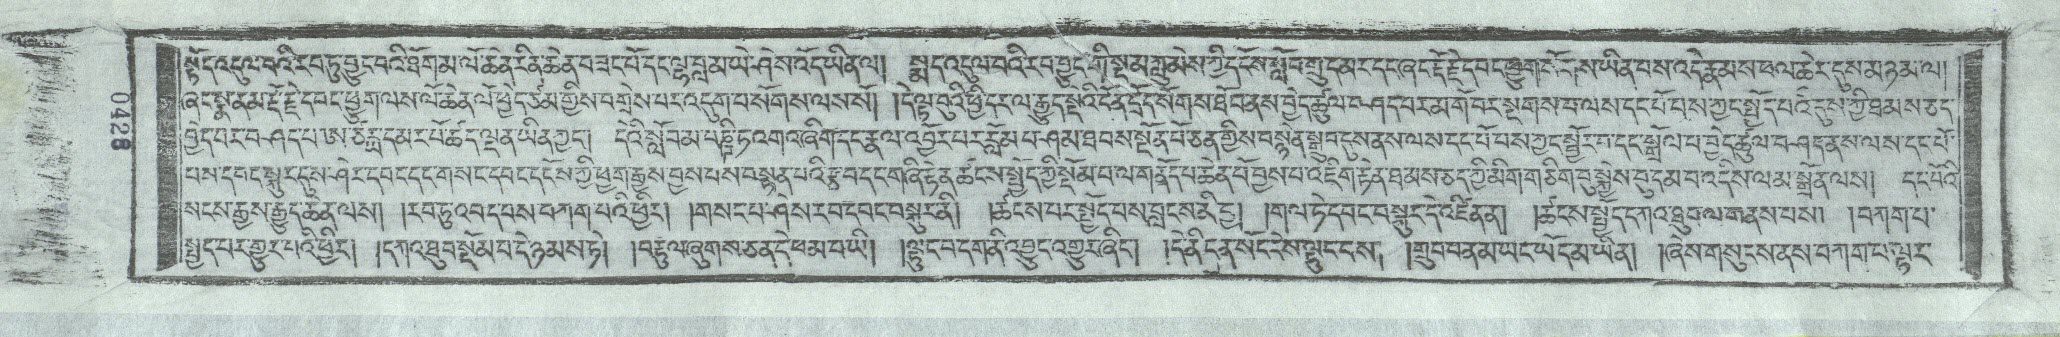སྟོད་འདུལ་བའི་རབ་ཏུ་བྱུང་བའི་ཐོག་མ་ལོ་ཆེན་རིན་ཆེན་བཟང་པོ་དང་ལྷ་བླ་མ་ཡེ་ཤེས་འོད་ཡིན་ལ། སྨད་འདུལ་བའི་རབ་བྱུང་གི་སྔ་མ་ཀླུ་མེས་ཀྱི་དངོས་སློབ་གྲུ་དམར་དང་ཞང་རྡོ་རྗེ་དབང་ཕྱུག་སོགས་ཡིན་པས་འདི་རྣམས་ཕལ་ཆེར་དུས་མཉམ་ལ།
ཞང་སྣ་ནམ་རྡོ་རྗེ་དབང་ཕྱུག་ལས་ལོ་ཆེན་ལོ་ཕྱེད་ཙམ་གྱིས་བགྲེས་པར་འདུག་པ་སོགས་ལས་སོ། །དེ་ལྟ་བུའི་ཕྱི་དར་ལ་རྐྱུད་སྡེའི་དོན་དྲོད་སོགས་ཐོབ་ནས་བྱེད་ཚུལ་བཤད་པར་མགོ་བར་སྔགས་པ་ལས་དང་པོ་བས་ཀྱང་སྤྱོད་པའི་དུས་ཀྱི་ཐམས་ཅད་
བྱེད་པར་བཤད་པ་ཨ་ཙརྱ་དམར་པོ་ཚད་ལྡན་ཡིན་ཀྱང་། དེའི་སློབ་མ་པཎྜི་ཏ་འགའ་ཞིག་དང་རྣལ་འབྱོར་པར་རློམ་པ་ཤམ་ཐབས་སྔོན་པོ་ཅན་གྱིས་བསྙེན་སྒྲུབ་དུས་ནས་པར་དང་སོས་རྒྱས་སྤྱོར་བ་དང་སྒྲོལ་པ་བྱེད་ཚུལ་བཤད་ནས་ལས་དང་པོ་
པས་དབང་སྐུར་དུས་ཤེར་དབང་དང་གསང་དབང་དངོས་ཀྱི་ཕྱག་རྒྱས་བྱས་པས་བསྟན་པའི་རྩ་བ་དང་གཞི་རྟེན་ཚངས་སྤྱོད་ཀྱི་སྔོམ་བ་ལ་གནོད་པ་ཆེན་པོ་བྱས་པ་འཇིག་རྟན་ཐམས་ཅད་ཀྱི་མིག་གཅིག་བུ་སྐྱེས་བུ་དམ་པ་འདིས་ལམ་སྒྲོན་ལས། དང་པོའི་
སངས་རྒྱས་རྒྱུད་ཆེན་ལས། །རབ་ཏུ་འབད་པས་བཀག་པའི་ཕྱིར། །གསང་པ་ཤེས་རབ་དབང་བསྐུར་ནི། །ཚངས་པར་སྤྱོད་པས་བླངས་མི་བྱ། །གལ་ཏེ་དབང་བསྐུར་དེ་འཛིན་ན། །ཚངས་སྤྱོད་དཀའ་ཐུབ་ལ་གནས་པས། །བཀག་པ་
སྤྱད་པར་གྱུར་པའི་ཕྱིར། །དཀའ་ཐུབ་སྡོམ་པ་དེ་ཉམས་ཏེ། །བརྟུལ་ཞུགས་ཅན་དེ་ཕམ་པ་ཡི། །ལྟུང་བ་དག་ནི་འབྱུང་འགྱུར་ཞིང་། །དེ་ནི་ངན་སོང་ངེས་ལྟུང་བས། །གྲུབ་པ་ནམ་ཡང་ཡོད་མ་ཡིན། །ཞེས་གསུངས་ནས་བཀག་པ་ལྟར་